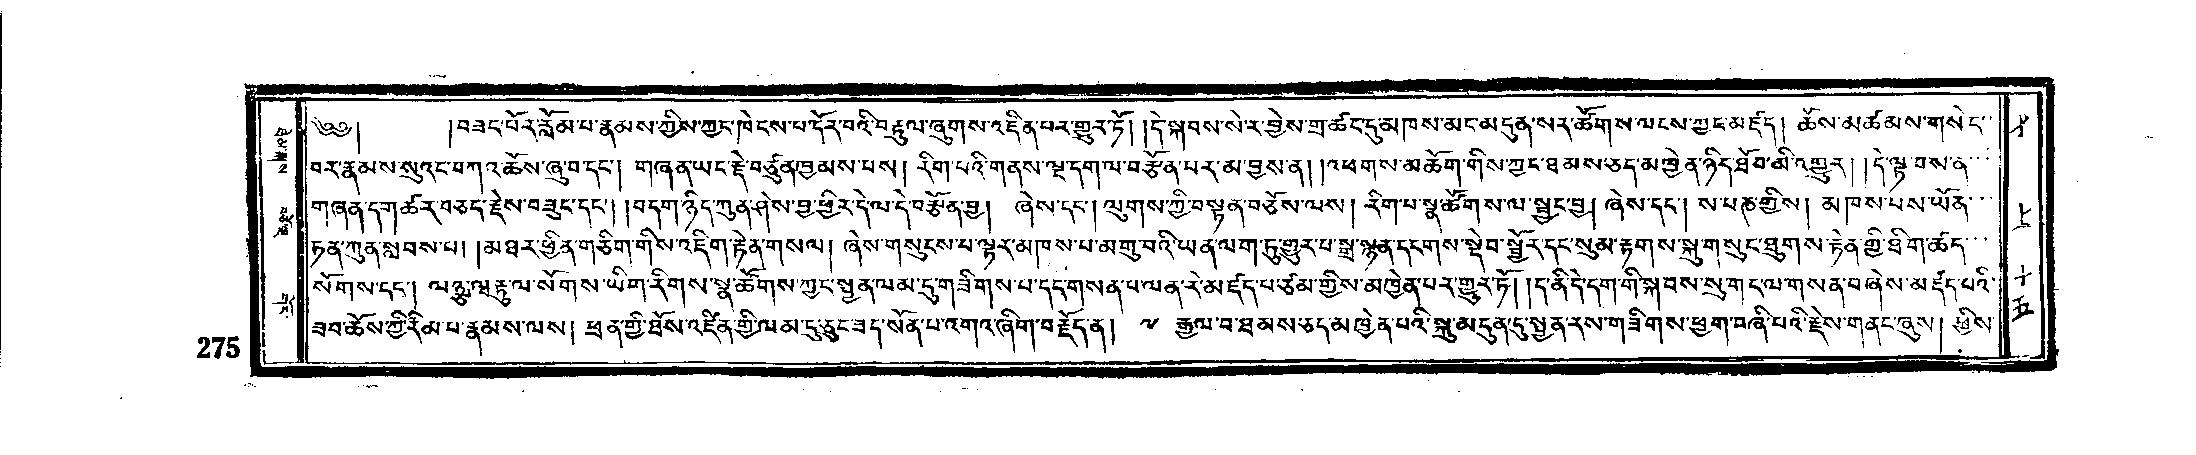༄༅། །བཟང་པོར་རློམ་པ་རྣམས་ཀྱིས་ཀྱང་ཁེངས་པ་དོར་བའི་བརྟུལ་ཞུགས་འཛིན་པར་གྱུར་ཏོ། །དེ་སྐབས་སེ་ར་བྱེས་གྲ་ཚང་དུ་མཁས་མང་མདུན་སར་ཚོགས་ལངས་ཀྱང་མཛད། ཆོས་མཚམས་གསེད?
བར་རྣམས་སུའང་བཀའ་ཆོས་ཞུ་བ་དང་། གཞན་ཡང་རྗེ་བཙུན་ཁྱམས་པས། རིག་པའི་གནས་ལྔ་དག་ལ་བརྩོན་པར་མ་བྱས་ན། །འཕགས་མཆོག་གིས་ཀྱང་ཐམས་ཅད་མཁྱེན་ཉིད་ཐོབ་མི་འགྱུར། །དེ་ལྟ་བས་ན་
གཞན་དག་ཚར་བཅད་རྗེས་བཟུང་དང་། །བདག་ཉིད་ཀུན་ཤེས་བྱ་ཕྱིར་དེ་ལ་དེ་བརྩོན་བྱ། ཞེས་དང་། ལུགས་ཀྱི་བསྟན་བཅོས་ལས། རིག་པ་སྣ་ཚོགས་ལ་སྦྱང་བྱ། ཞེས་དང་། ས་པཎ་གྱིས། མཁས་པས་ཡོན་
ཏན་ཀུན་སླབས་པ། །མཐར་ཕྱིན་གཅིག་གིས་འཇིག་རྟེན་གསལ། ཞེས་གསུངས་པ་ལྟར་མཁས་པ་མགུ་བའི་ཡན་ལག་ཏུ་གྱུར་པ་སྒྲ་སྙན་དངགས་སྡེབ་སྦྱོར་དང་སུམ་རྟགས་སྐུ་གསུང་ཐུགས་རྟེན་གྱི་ཐིག་ཚད་
སོགས་དང་། ལཉྩ་ཝརྟུ་ལ་སོགས་ཡིག་རིགས་སྣ་ཚོགས་ཀྱང་སྤྱན་ལམ་དུ་གཟིགས་པ་དང་གསན་པ་ལན་རེ་མཛད་པ་ཙམ་གྱིས་མཁྱེན་པར་གྱུར་ཏོ། །ད་ནི་དེ་དག་གི་སྐབས་སུ་གང་ལ་གསན་བཞེས་མཛད་པའི་
ཟབ་ཆོས་ཀྱི་རིམ་པ་རྣམས་ལས། ཕྲན་གྱི་ཐོས་འཛིན་གྱི་ལམ་དུ་ཅུང་ཟད་སོན་པ་འགའ་ཞིག་བརྗོད་ན། ༧་རྒྱལ་བ་ཐམས་ཅད་མཁྱེན་པའི་སྐུ་མདུན་དུ་སྤྱན་རས་གཟིགས་ཕྱག་བཞི་པའི་རྗེས་གནང་ཞུས། ཕྱིས་